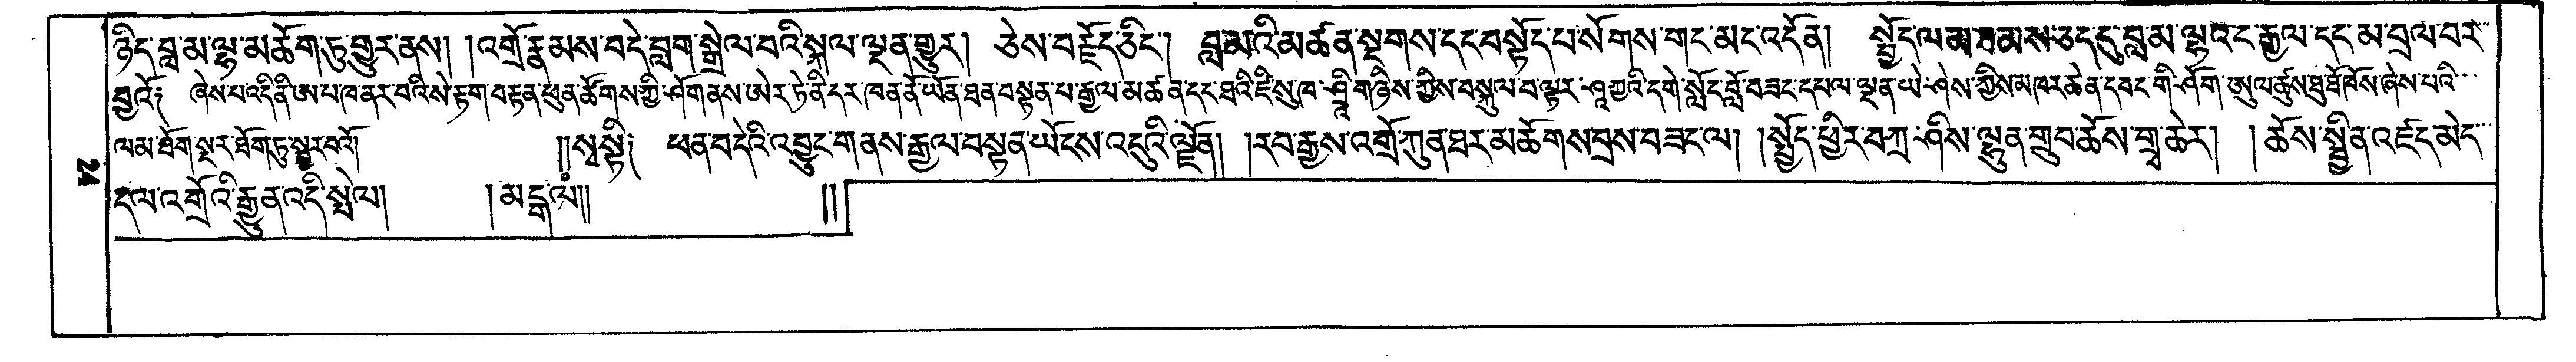ཉིད་བླ་མ་ལྷ་མཆོག་ཏུ་གྱུར་ནས། །འགྲོ་རྣམས་བདེ་བླག་སྒྲོལ་བའི་སྐལ་ལྡན་གྱུར། ཅེས་བརྗོད་ཅིང་། བླ་མའི་མཚན་སྔགས་དང་བསྟོད་པ་སོགས་གང་མང་འདོན། སྤྱོད་ལམ་ཐམས་ཅད་དུ་བླ་མ་ལྷའི་ང་རྒྱལ་དང་མ་བྲལ་བར་
བྱའོ༑ ཞེས་པ་འདི་ནི་ཨ་པ་ཁ་ནར་པའི་སེ་རྟག་བརྟན་ཕུན་ཚོགས་ཀྱི་ཤོག་ནས་ཨེར་ཏེ་ནི་དར་ཁན་ནོ་ཡོན་ཐེན་བསྟན་པ་རྒྱལ་མཚན་དང་ཐའི་རྗེས་སུ་ཁ་ཤྲཱི་གཉིས་ཀྱིས་བསྐུལ་བ་ལྟར་ཤའྐྱའི་དགེ་སློང་བློ་བཟང་དཔལ་ལྡན་ཡེ་ཤེས་ཀྱིས་མཁར་ཆེན་དབང་གི་ཤོག་ཨུལ་ཚུས་ཐུ་ཐོ་ཁོས་ཞེས་པའི་
ལམ་ཐོག་སྒར་ཐོག་ཏུ་སྦྱར་བའོ།། །།སྭསྟི། ཕན་བདེའི་འབྱུང་གནས་རྒྱལ་བསྟན་ཡོངས་འདུའི་ལྗོན། །རབ་རྒྱས་འགྲོ་ཀུན་ཐར་མཆོག་འབྲས་བཟང་ལ། །སྤྱོད་ཕྱིར་བཀྲ་ཤིས་ལྷུན་གྲུབ་ཆོས་གྲྭ་ཆེར། །ཆོས་སྦྱིན་འཛད་མེད་
དལ་འགྲོའི་རྒྱུན་འདི་སྤེལ། །མངྒལཾ།། །།